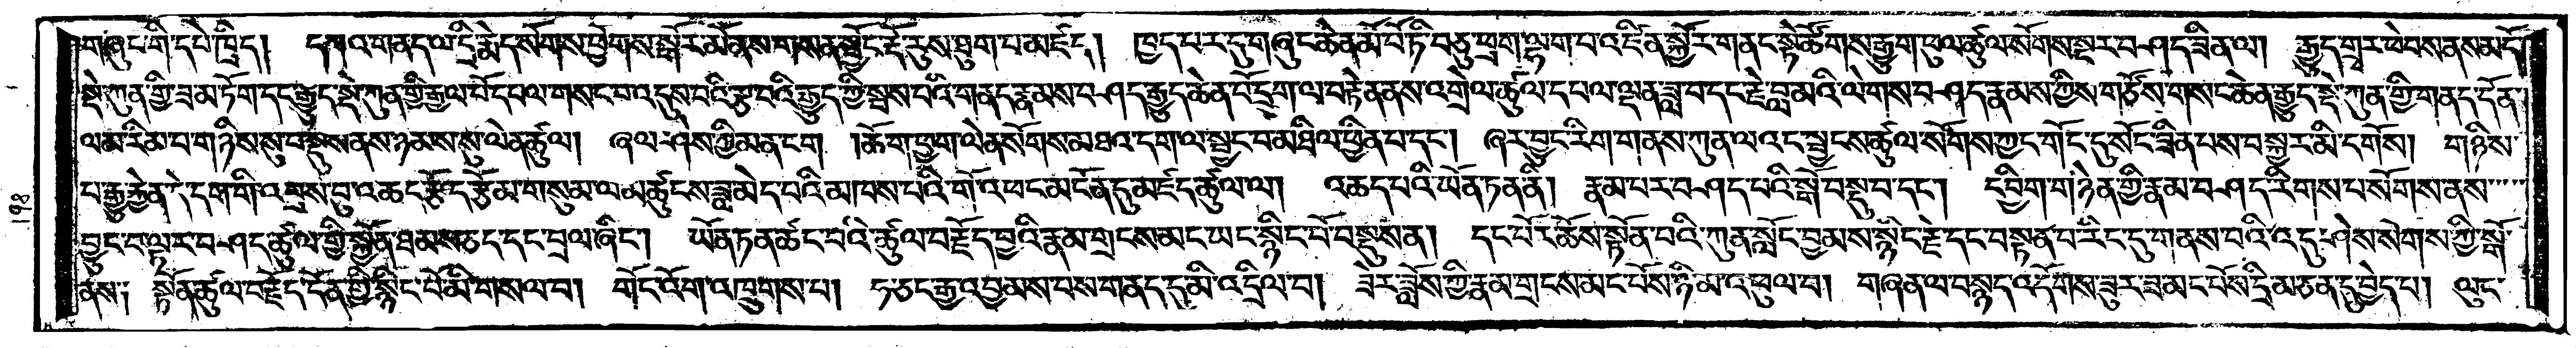གཞུང་གི་དཔེ་ཁྲིད། དཀའ་གནད་ལ་དྲི་རྨེད་སོགས་ཕྱོགས་སྒོར་མོ་ནས་གསན་སྦྱོང་རྡོ་རུས་ཐུག་པ་མཛད། ཁྱད་པར་དུ་གཞུང་ཆེན་མོ་པོ་ཏི་བཅུ་ཕྲག་ལྷག་པ་འཛིན་སྐྱོར་གནང་སྟེ་ཚོགས་རྒྱུག་ཕུལ་ཚུལ་སོགས་སྔར་བཤད་ཟིན་ལ། རྒྱུད་གྲྭར་ཕེབས་ནས་མདོ་
སྡེ་ཀུན་གྱི་ཟ་མྟོག་དང་རྒྱུད་སྡེ་ཀུན་གྱི་རྒྱལ་པོ་དཔལ་གསང་བ་འདུས་བའི་རྩ་བའི་རྒྱུད་ཀྱི་སྦས་པའི་གནང་རྣམས་བཤད་རྒྱུད་ཆེན་པོ་དྲུག་ལ་བརྟེན་ནས་འགྲེལ་ཚུལ་དཔལ་ལྡན་ཟླ་བ་དང་རྗེ་བླ་མའི་ལེགས་བཤད་རྣམས་ཀྱིས་གཙོས་གསང་ཆེན་རྒྱུད་སྡེ་ཀུན་གྱི་གནད་དོན་
ལམ་རིམ་པ་གཉིས་སུ་བསྡུས་ནས་ཉམས་སུ་ལེན་ཚུལ། ཞལ་ཤེས་ཀྱི་མན་ངག །ཆོ་ག་ཕྱག་ལེན་སོགས་མཐའ་དག་ལ་སྦྱང་བ་མཐིལ་ཕྱིན་པ་དང་། ཞར་བྱུང་རིག་གནས་ཀུན་ལའང་སྦྱངས་ཚུལ་སོགས་ཀྱང་གོང་དུ་སོང་ཟིན་པས་བསྐྱར་མི་དགོས། གཉིས་
བརྒྱུ་རྐྱེན་དེ་དག་གི་འབྲས་བུ་འཆད་རྩོད་རྩོམ་གསུམ་ལ་མཚུངས་ཟླ་མེད་པའི་མཁས་པའི་གོ་འཕང་མངོན་དུ་མཛད་ཚུལ་ལ། འཆད་པའི་ཡོན་ཏན་ནི། རྣམ་ཕར་བཤད་པའི་སྒོ་བསྡུ་བ་དང་། དབྱིག་གཉེན་གྱི་རྣམ་བཤད་རིགས་པ་སོགས་ནས་
བྱུང་བ་ལྟར་བཤད་ཚུལ་གྱི་སྐྱོན་ཐམས་ཅད་དང་བྲལ་ཞིང་། ཡོན་ཏན་ཚང་བའི་ཚུལ་བརྗོད་བྱའི་རྣམ་གྲངས་མང་ཡང་སྙིང་པོ་བསྡུས་ན། དང་བོར་ཆོས་སྟོན་པའི་ཀུན་སློང་བྱམས་སྙིང་རྗེ་དང་བསྟན་པ་རིང་དུ་གནས་བའི་འདུ་ཤེས་སོགས་ཀྱི་སྒོ་
ནས། སྟོན་ཚུལ་བརྗོད་དོན་གྱི་སྙིང་པོ་མི་གསལ་བ། གོང་འོག་འཁྲུགས་པ། ཧ་ཅང་རྒྱ་འབྱམས་པས་གནད་དུ་མི་འདྲིལ་བ། ཟེར་ཟློས་ཀྱི་རྣམ་གྲངས་མང་པོས་ཉི་མ་འཕུལ་བ། གཞན་ལ་བསྙད་འདོགས་ཟུར་ཟ་མང་པོས་དྲི་མ་ཅན་དུ་བྱེད་པ། ལུང་